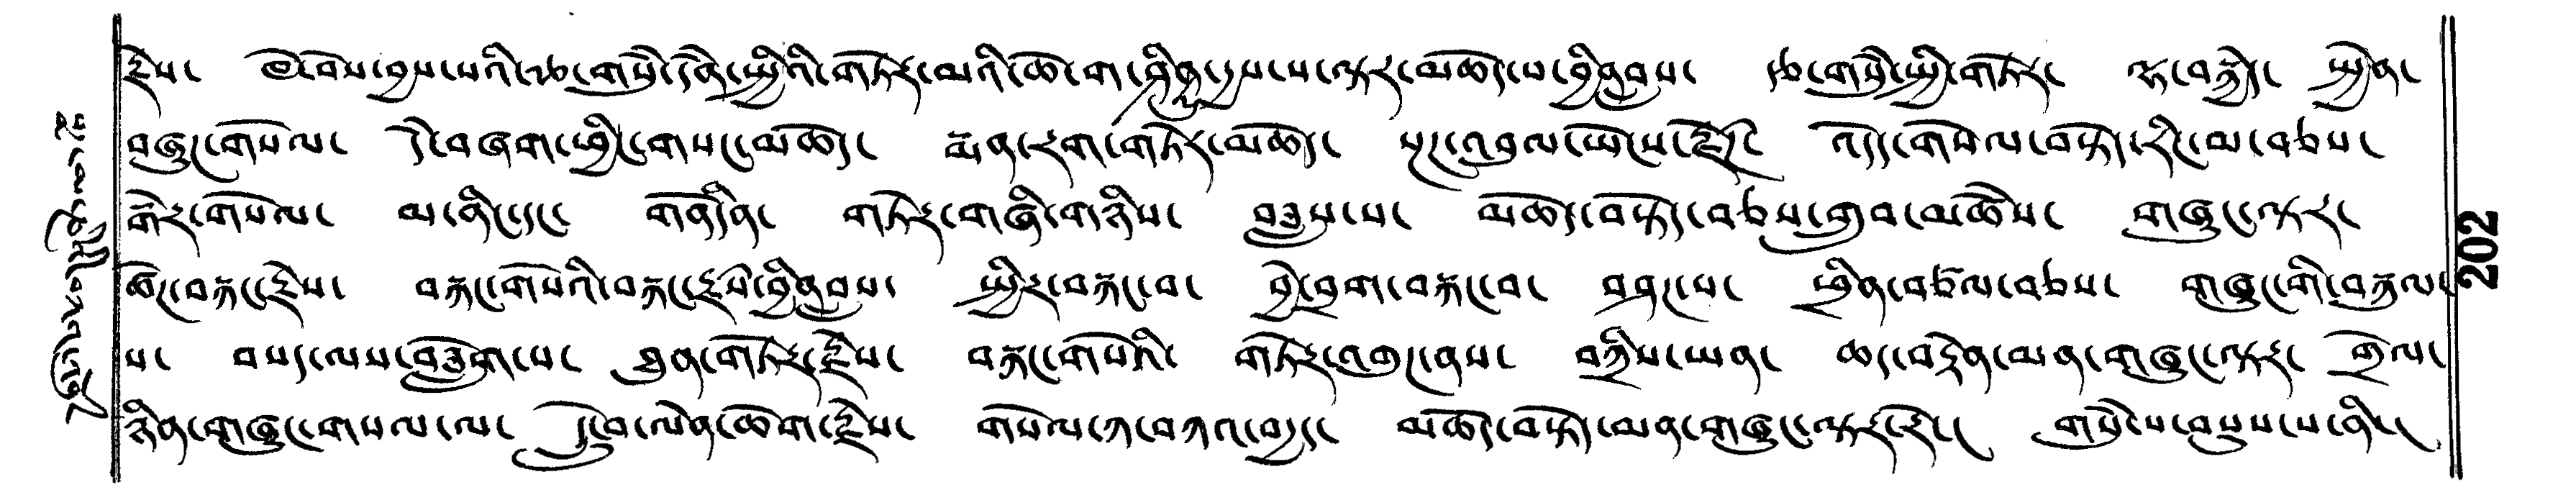རྗེས། ཁོ་བོས་བྱས་པའི་རྩ་གསུམ་དམ་ཅན་སྤྱིའི་གཏོར་མའི་ཆོ་ག་ཤིན་ཏུ་རྒྱས་པ་ལྟར་མཆོད་པ་བྱིན་རླབས། རྩ་གསུམ་སྤྱི་གཏོར། ལྷ་བསྐྱེད། སྤྱན་
འདྲེན་བཞུགས་གསོལ། དམ་བཞག་ཕྱི་ནང་གསང་མཆོད། སྨན་རག་གཏོར་མཆོད། སྔགས་འབུལ་ཡོངས་རྫོགས། འདོད་གསོལ་བསྟོད་རིང་མ་བཅས་
སྒེར་གསོལ། མ་ནིང་དང་། གནོད་སྦྱིན། གཏེར་གཞི་གཉིས། བཟླས་པ། མཆོད་བསྟོད་བཅས་གྲུབ་མཚམས། གཞུང་ལྟར་
ཚོགས་བསྐང་རྗེས། བསྐང་གསོའི་བསྐང་རྫས་བྱིན་རླབས། སྤྱིར་བསྐང་བ། བྱེ་བྲག་བསྐང་བ། བཤགས་པ། ཕྲིན་བཅོལ་བཅས། གཞུང་གི་བསྐུལ་
པ། བསད་ལས། བཟློག་པ། ཐུན་གཏོར་རྗེས། བསྐང་གསོའི་གཏོར་འགུགས་ནས། བཀྲ་ཤིས་ཡན། ཆད་བརྟན་མན་གཞུང་ལྟར། གྲོལ་
ཉིན་གཞུང་གསལ་ལྟར། དངོས་གྲུབ་ལེན་ཆོག་རྗེས། གསོལ་ཀ བཀའ་བརྒྱད། མཆོད་བསྟོད་མན་གཞུང་ལྟར་རོ། གསུམ་པ་བསྡུས་པ་ནི།